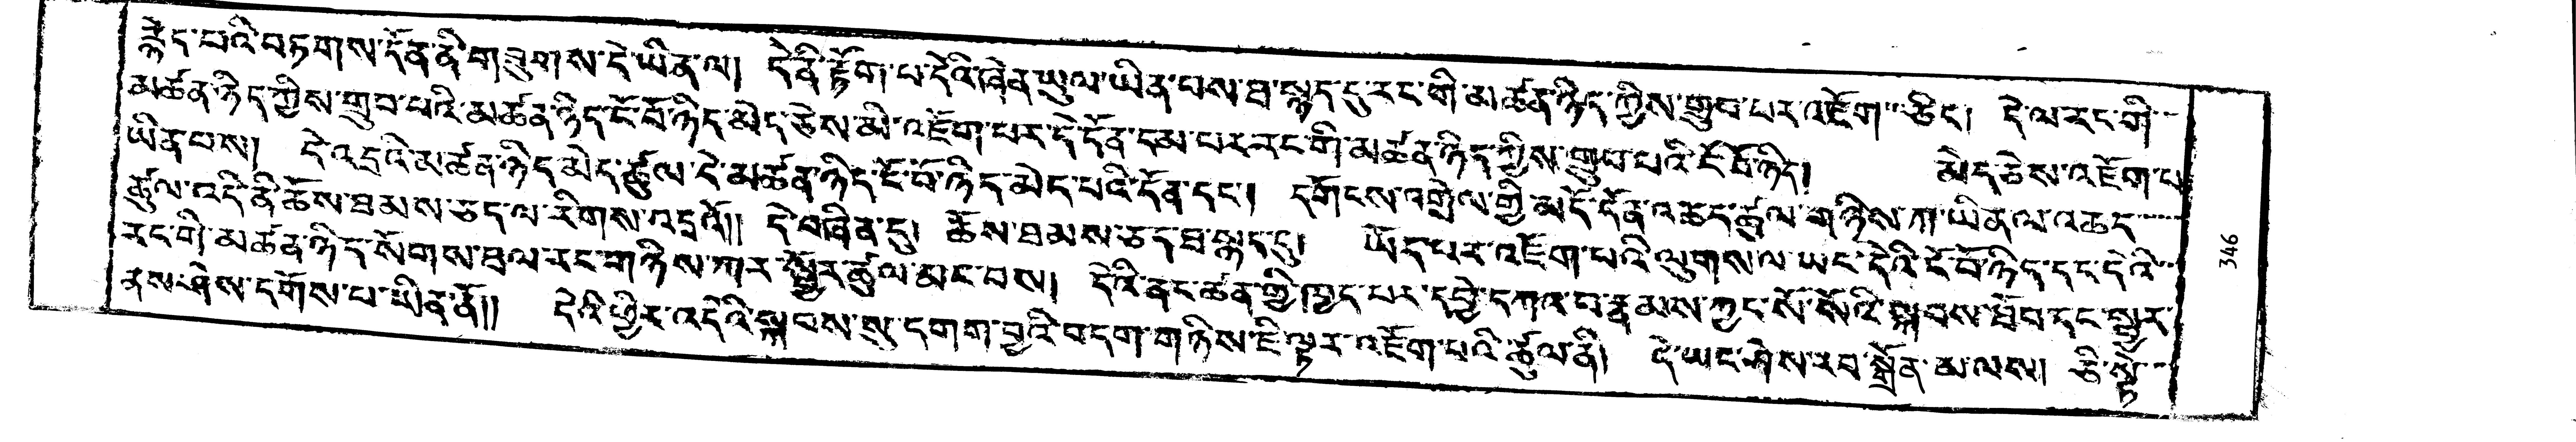རྙེད་པའི་བཏགས་དོན་ནི་གཟུགས་དེ་ཡིན་ལ། དེ་ནི་རྟོག་པ་དེའི་ཞེན་ཡུལ་ཡིན་པས་ཐ་སྙད་དུ་རང་གི་མཚན་ཉིད་ཀྱིས་གྲུབ་པར་འཇོག་ཅིང་། དེ་ལ་རང་གི་
མཚན་ཉིད་ཀྱིས་གྲུབ་པའི་མཚན་ཉིད་ངོ་བོ་ཉིད་མེད་ཅེས་མི་འཇོག་པར་དེ་དོན་དམ་པར་རང་གི་མཚན་ཉིད་ཀྱིས་གྲུབ་པའི་ངོ་བོ་ཉིད། མེད་ཅེས་འཇོག་པ་
ཡིན་པས། དེ་འདྲའི་མཚན་ཉིད་མེད་ཚུལ་དེ་མཚན་ཉིད་ངོ་བོ་ཉིད་མེད་པའི་དོན་དང་། དགོངས་འགྲེལ་གྱི་མདོ་དོན་འཆད་ཚུལ་གཉིས་ཀ་ཡིན་ལ་འཆད་
ཚུལ་འདི་ནི་ཆོས་ཐམས་ཅད་ལ་རིགས་འདྲའོ། །དེ་བཞིན་དུ། ཆོས་ཐམས་ཅད་ཐ་སྙད་དུ། ཡོད་པར་འཇོག་པའི་ལུགས་ལ་ཡང་དེའི་ངོ་བོ་ཉིད་དང་དེའི་
རང་གི་མཚན་ཉིད་སོགས་ཐལ་རང་གཉིས་ཀར་སྦྱོར་ཚུལ་མང་བས། དེའི་ནང་ཚན་གྱི་ཁྱད་པར་དབྱེ་དཀའ་བ་རྣམས་ཀྱང་སོ་སོའི་སྐབས་ཐོབ་དང་སྦྱར་
ནས་ཤེས་དགོས་པ་ཡིན་ནོ། །དེའི་ཕྱིར་འདེའི་སྐབས་སུ་དགག་བྱའི་བདག་གཉིས་ཇི་ལྟར་འཇོག་པའི་ཚུལ་ནི། དེ་ཡང་ཤེས་རབ་སྒྲོན་མ་ལས། ཅི་སྟེ་